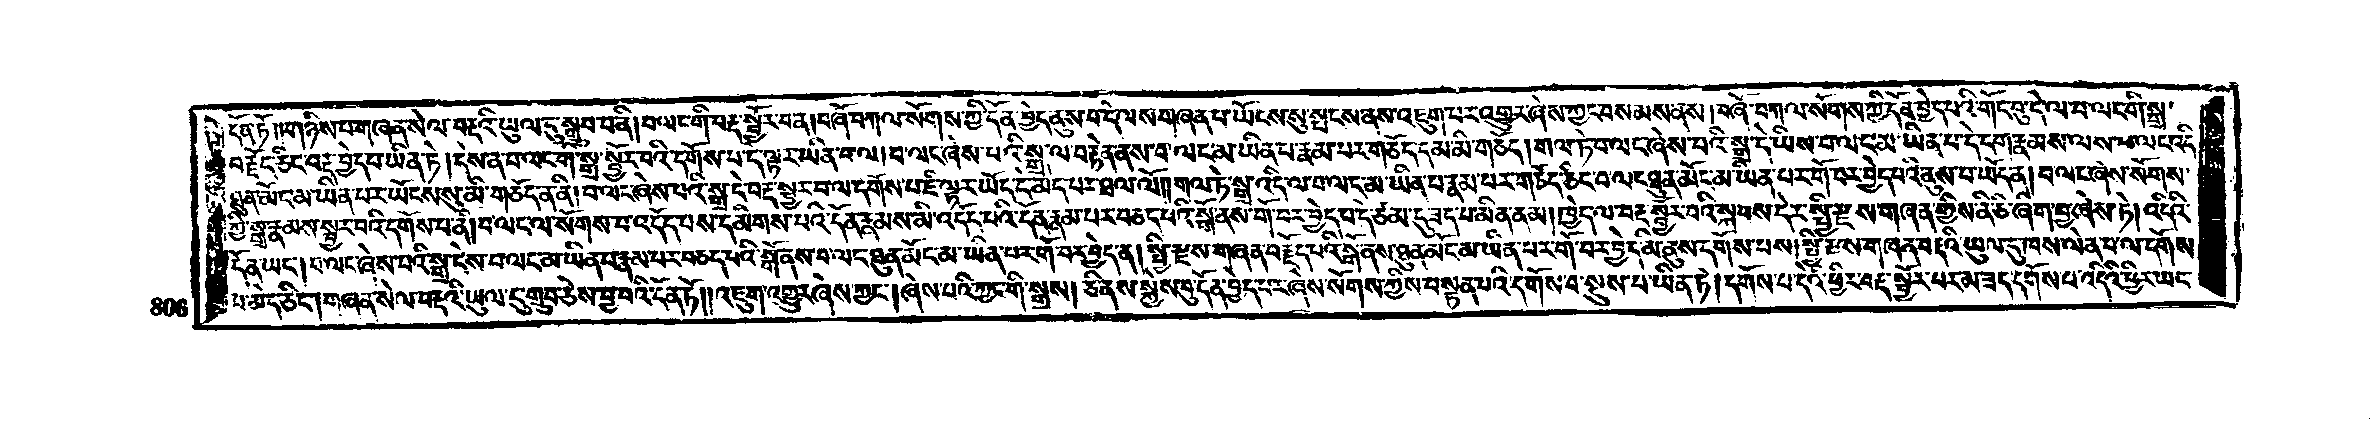དོན་ཏོ། གཉིས་པ་གཞན་སེལ་བརྡའི་ཡུལ་དུ་སྒྲུབ་པ་ནི། བ་ལང་གི་བརྡ་སྦྱོར་བ་ན། བཞོ་བཀལ་སོགས་ཀྱི་དོན་བྱེད་ནུས་པ་དེ་ལས་བཞན་པ་ཡོངས་སུ་སྤངས་ནས་འཇུག་པར་འགྱུར་ཞེས་ཀྱང་བསམས་ནས། བཞོ་བཀལ་སོགས་ཀྱི་དོན་བྱེད་པའི་གོང་བུ་དེ་ལ་བ་ལང་གི་སྒྲ་
བརྗོད་ཅིང་བརྡ་བྱེད་པ་ཡིན་ཏེ། དེས་ན་བ་ལང་གི་སྒྲ་སྦྱོར་བའི་དགོས་པ་དེ་ལྟར་ཡིན་པ་ལ། བ་ལང་ཞེས་པའི་སྒྲ་ལ་བརྟེན་ནས་བ་ལང་མ་ཡིན་པ་རྣམ་པར་གཅོད་དམ་མི་གཅོད། གལ་ཏེ་བ་ལང་ཞེས་པའི་སྒྲ་དེ་ཡིས་བ་ལང་མ་ཡིན་པ་དེ་དག་རྣམས་ལས་པ་ལང་འདི་
ཐུན་མོང་མ་ཡིན་པར་ཡོངས་སུ་མི་གཅོད་ན་ནི། བ་ལང་ཞེས་པའི་སྒྲ་དེ་བརྡ་སྦྱར་བ་ལ་དགོས་པ་ཇི་ལྟར་ཡོད་དེ་མེད་པར་ཐལ་ལོ། །གལ་ཏེ་སྒྲ་འདི་ལ་བ་ལང་མ་ཡིན་པ་རྣམ་པར་གཅོད་ཅིང་བ་ལང་ཐུན་མོང་མ་ཡིན་པར་གོ་བར་བྱེད་པའི་ནུས་པ་ཡོད་ན། བ་ལང་ཞེས་སོགས་
ཀྱི་སྒྲ་རྣམས་སྦྱར་བའི་དགོས་པ་ནི། བ་ལང་ལ་སོགས་པ་འདོད་པས་དམིགས་པའི་དོན་རྣམས་མི་འདོད་པའི་དོན་རྣམ་པར་བཅད་པའི་སྒོ་ནས་གོ་བར་བྱེད་པ་དེ་ཙམ་དུ་ཟད་པ་མིན་ནམ། ཁྱེད་ལ་བརྡ་སྦྱོར་བའི་སྐབས་དེར་སྤྱི་རྫས་གཞན་གྱིས་ནི་ཅི་ཞིག་བྱ་ཞེས་ཏེ། འདིའི་
དོན་ཡང་། བ་ལང་ཞེས་པའི་སྒྲ་ངེས་བ་ལང་མ་ཡིན་པ་རྣམ་པར་བཅད་པའི་སྒོ་ནས་བ་ལང་ཐུན་མོང་མ་ཡིན་པར་གོ་བར་བྱེད་ན། སྤྱི་རྫས་གཞན་བརྗོད་པའི་སྒོ་ནས་ཐུན་མོང་མ་ཡིན་པར་གོ་བར་བྱེད་མི་ནུས་དགོས་པས། སྤྱི་རྫས་གཞན་བརྡའི་ཡུལ་དུ་ཁས་ལེན་པ་ལ་དགོས་
པ་མེད་ཅིང་། གཞན་སེལ་བརྡའི་ཡུལ་དུ་གྲུབ་ཅེས་བྱ་བའི་དོན་ཏོ། །འཇུག་འགྱུར་ཞེས་ཀྱང་། ཞེས་པའི་ཀྱང་གི་སྒྲས། ཅི་ནས་སྐྱེས་བུ་དོན་བྱེད་པར་ཞེས་སོགས་ཀྱིས་བསྟན་པའི་དགོས་བ་སྡུས་པ་ཡིན་སྟེ། དགོས་པ་དེའི་ཕྱིར་བཏྡ་སྦྱོར་བར་མ་ཟད་དགོས་པ་འདིའི་ཕྱིར་ཡན་